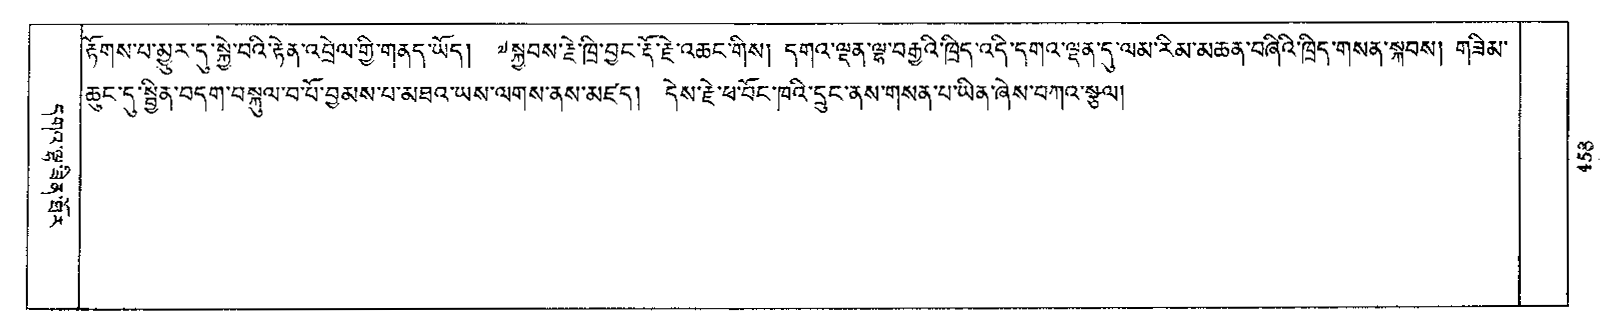རྟོགས་པ་མྱུར་དུ་སྐྱེ་བའི་རྟེན་འབྲེལ་གྱི་གནད་ཡོད། ༧་སྐྱབས་རྗེ་ཁྲི་བྱང་རྡོ་རྗེ་འཆང་གིས། དགའ་ལྡན་ལྷ་བརྒྱའི་ཁྲིད་འདི་དགའ་ལྡན་དུ་ལམ་རིམ་མཆན་བཞིའི་ཁྲིད་གསན་སྐབས། གཟིམ་
ཆུང་དུ་སྦྱིན་བདག་བསྐུལ་བ་པོ་བྱམས་པ་མཐའ་ཡས་ལགས་ནས་མཛད། དེས་རྗེ་ཕ་བོང་ཁའི་དྲུང་ནས་གསན་པ་ཡིན་ཞེས་བཀའ་སྩལ།